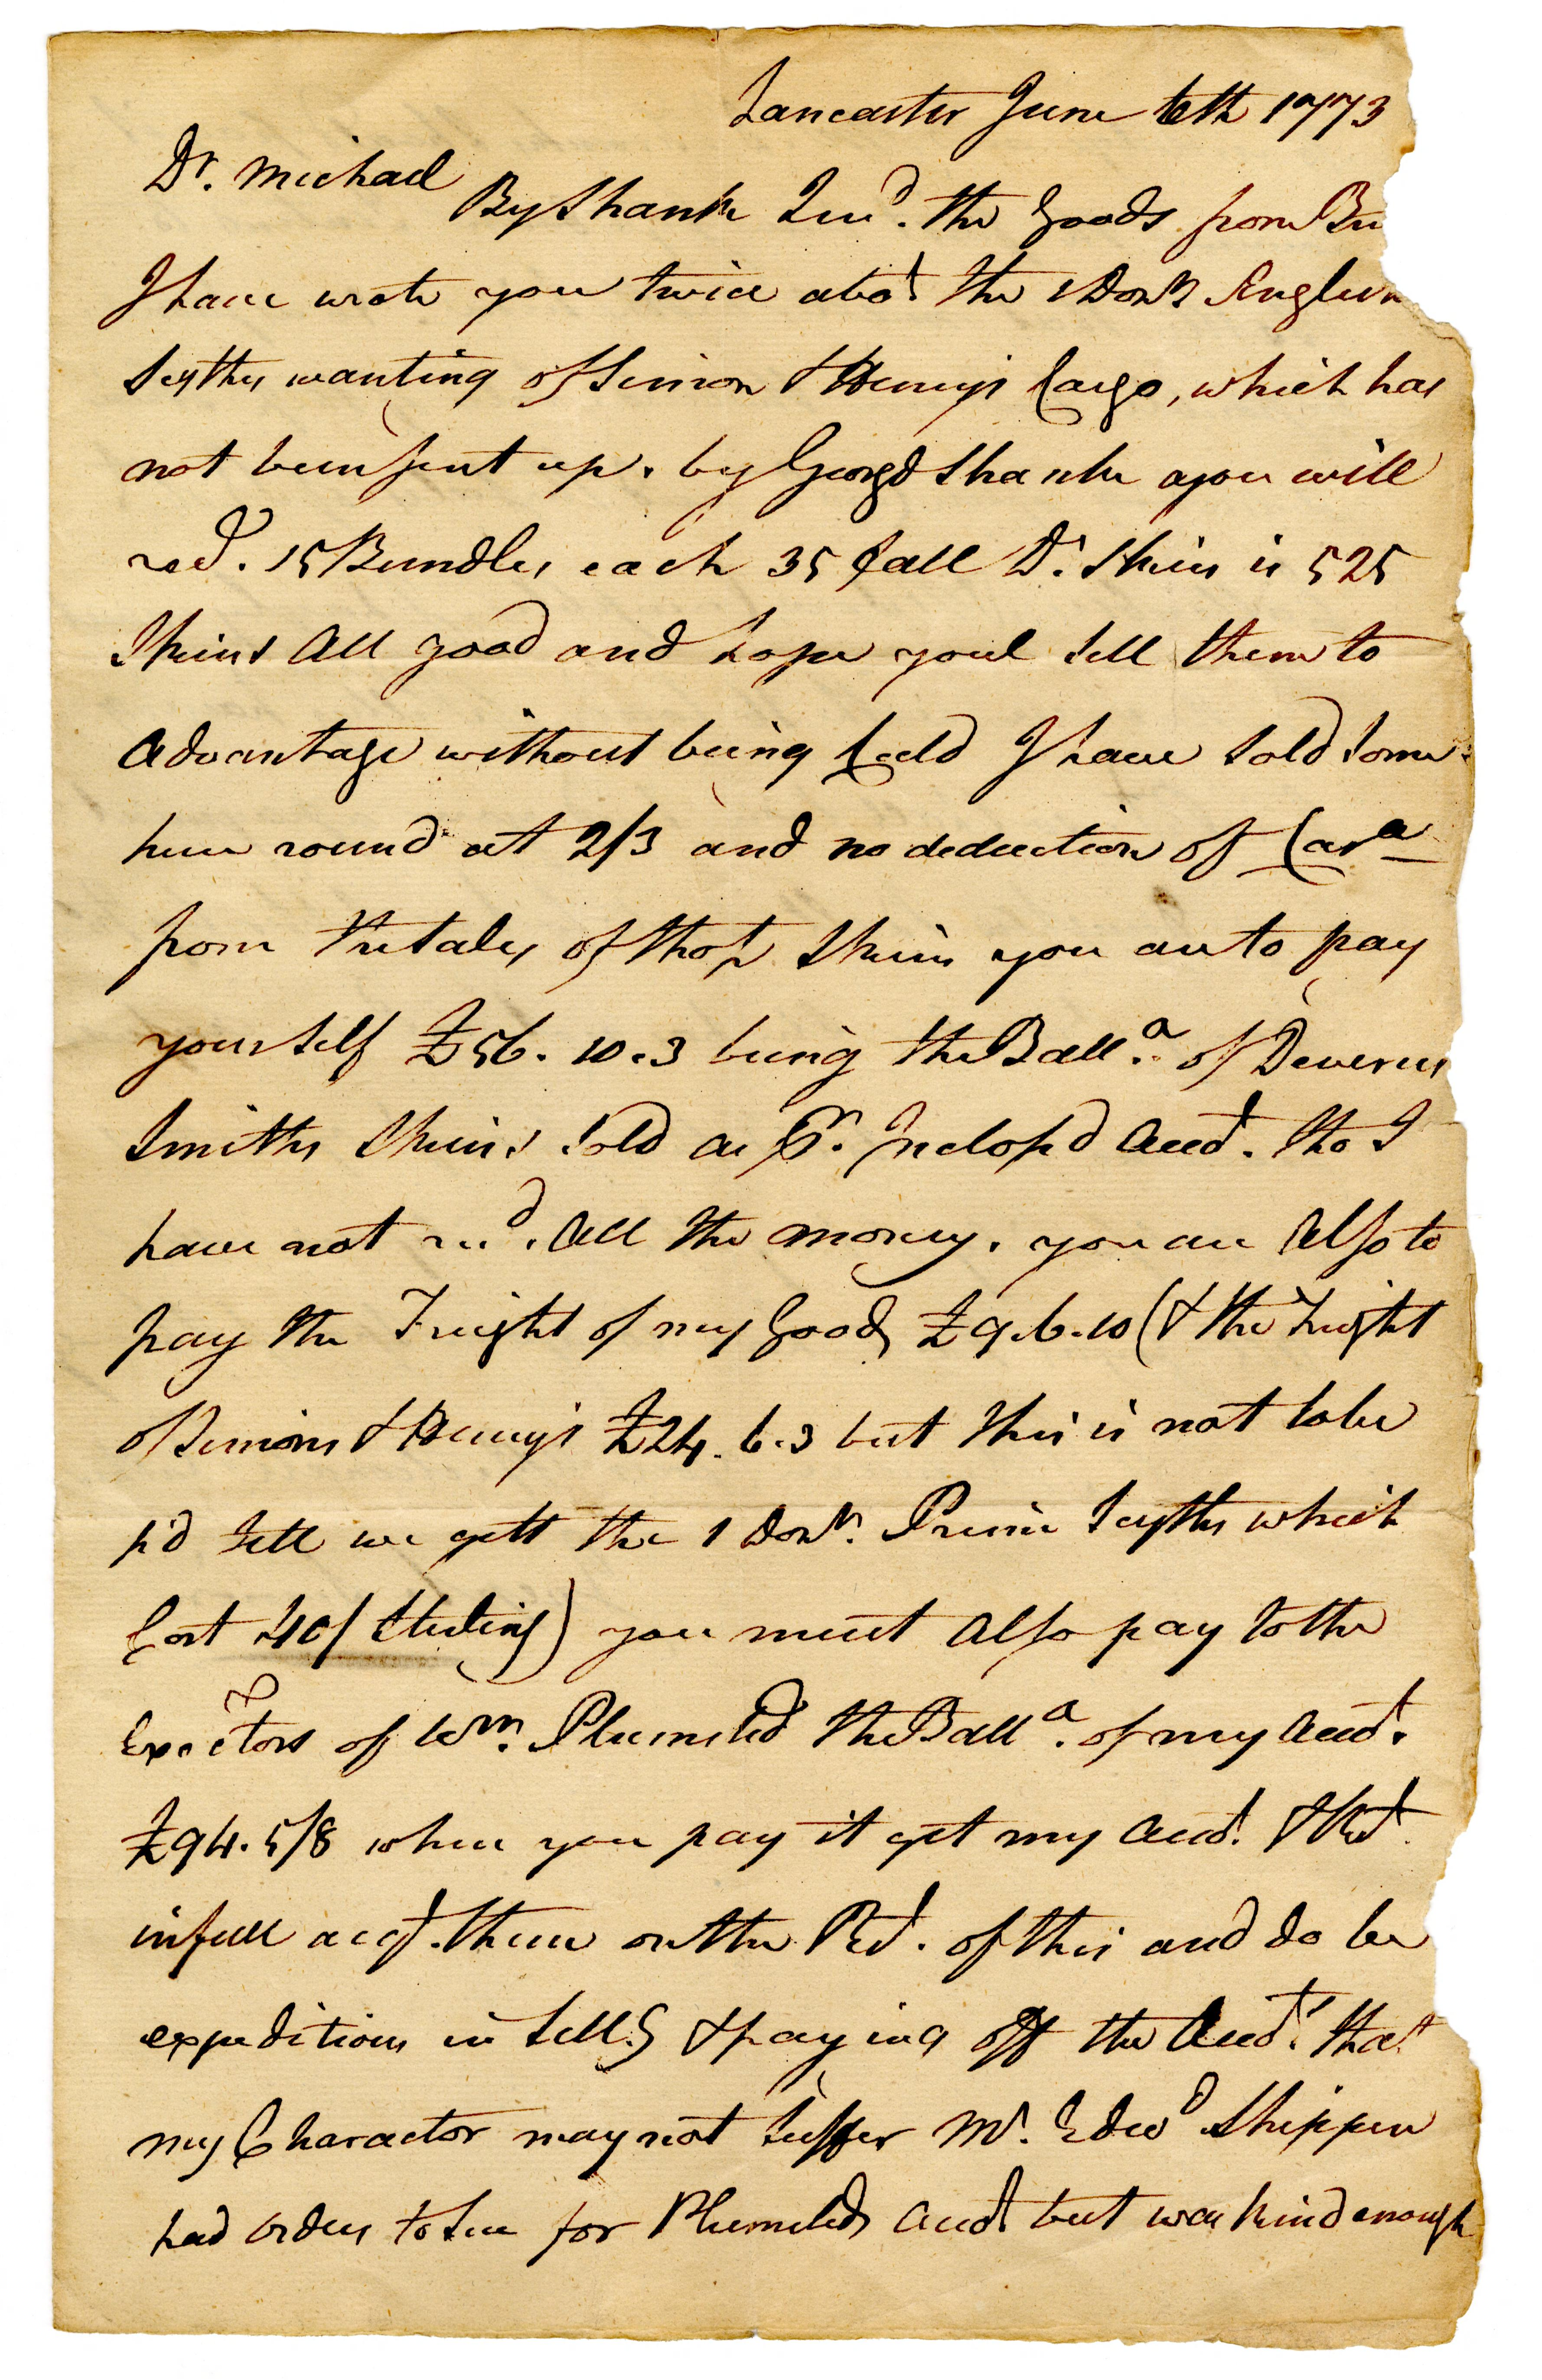Lancaster June 6th 1773
D^r. Michael
By Shank rec^d. the Goods from Be
I have wrote you twice abot the 1 Doz^n English
Scythes wanting of Senion & Henrys Cays, which has
not been sent up, by George Shank you will
rec^d. 15 Bundles each 35 & all D^r. skins is 525
Think All good and hope youl sell them to
Advantage without being foold I have sold some
here round at 2s3 and no deduction off Car^a
from the sales of those skins you are to pay
your self £56.10.3 being the Ball^ce. of Deliveries
Smiths skins sold as C^r. Inclosed Acco^t. tho I
have not rec^d. All the money, you are Also to
pay the Freight of my Goods £96.10 (& the height
of Simons & Dewey's £24.6.3 but this is not to be
h^d tell we gett the 1 Doz^n. Price Scythes which
Cort 40s Sterling) you must also pay to the
exectons of W^m. Placens led the Ball^ce. of my acco^t.
£94. 5/6 when you say it get my acco^t. & re^t.
in full acco^t. them on the Re^t. of this and do be
expeditious in Sellg. & paying off the Acco^t. that
my Character may next suffer M^r. Edw^d Shippen
had orders to see for Plemeles Acco^t but was kind enough